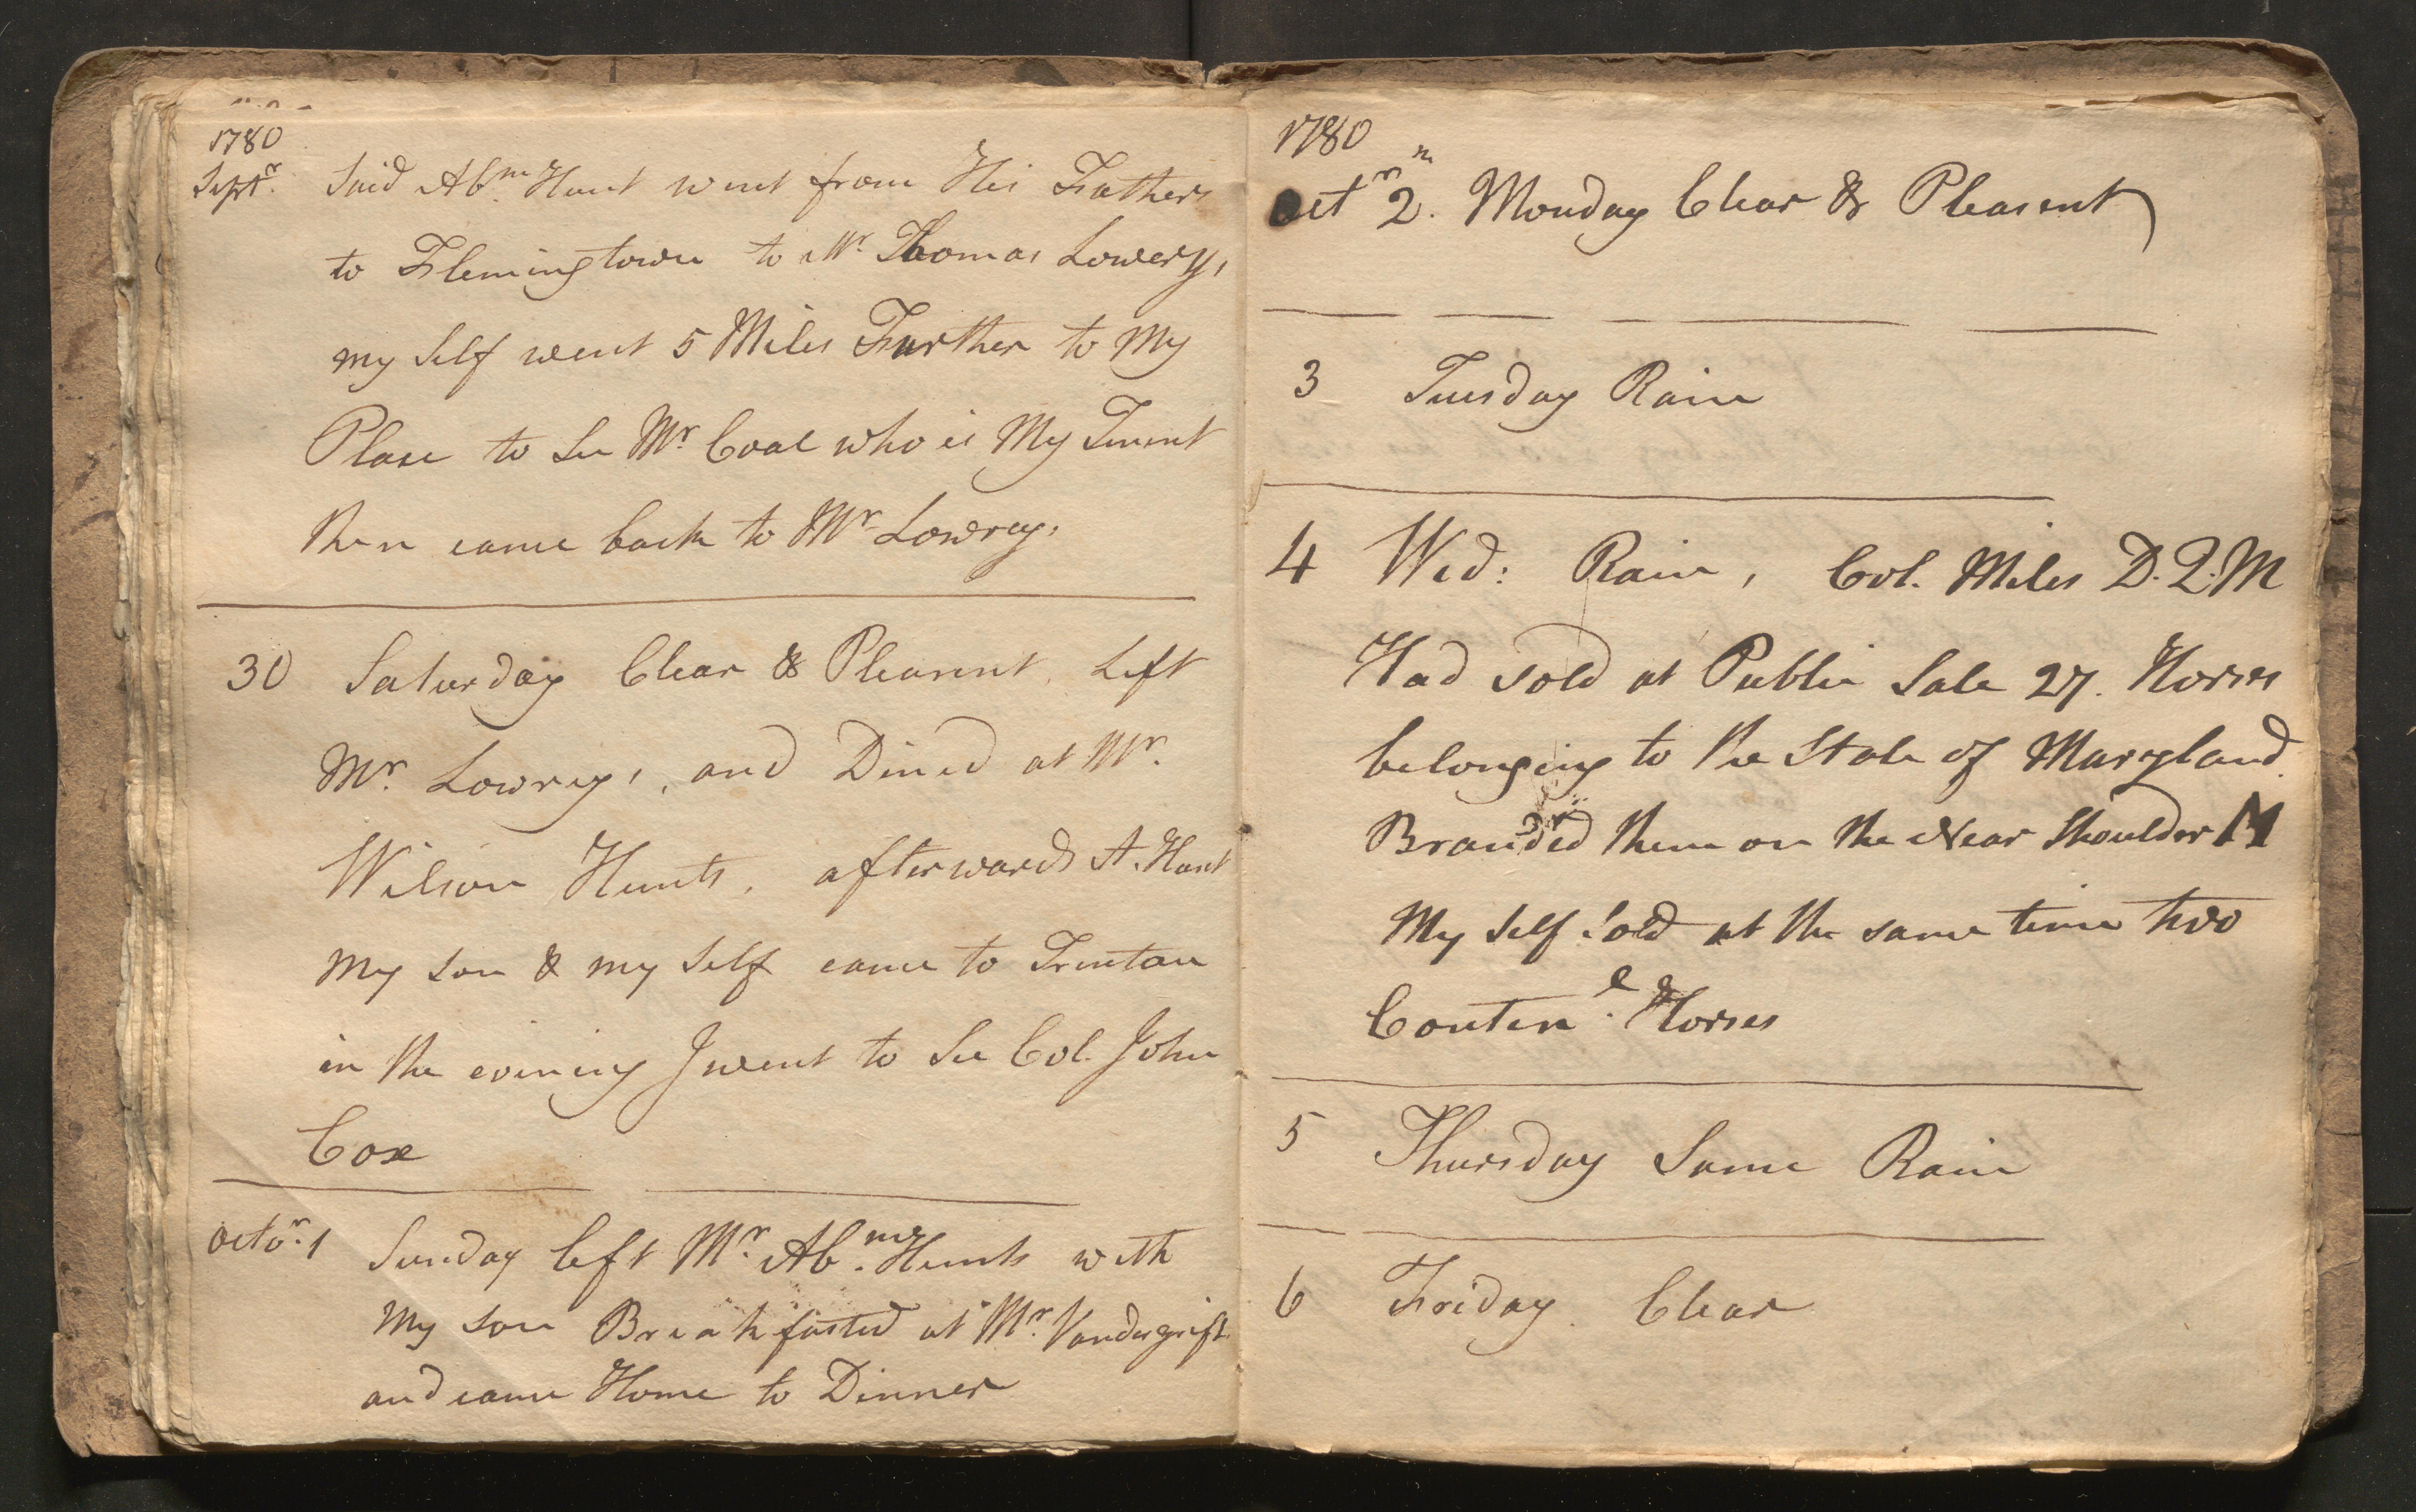1780
Sept^r. Said Ab^m. Hunt went from His Fathers
to Flemingtown to M^r. Thomas Lowerys
my self went 5 Miles Farther to My
Place to see M^r. Coal who is My Tenent
then came back to M^r Lowrey.
30 Saturday Clear & Pleasent, left
M^r. Lowreys and Dined at M^r.
Wilson Hunts, afterwards A. Hunt
My son & my self came to Trenton
in the evening I went to see Col. John
Cox
Octo^r. 1 Sunday left M^r. Ab^m. Hunts with
My son Breakfasted at M^r. Vandergrift
and came Home to Dinner
1780
Oct^r 2^th. Monday Clear & Pleasent
3 Tuesday Rain
4 Wed. Rain, Col. Miles D.Q.M
Had sold at Public Sale 27 Horses
belonging to the State of Maryland
Branded them on the Near Shoulder M
My self sold at the same time two
Contin^l. Horses
Thursday Some Rain
6 Friday Clear